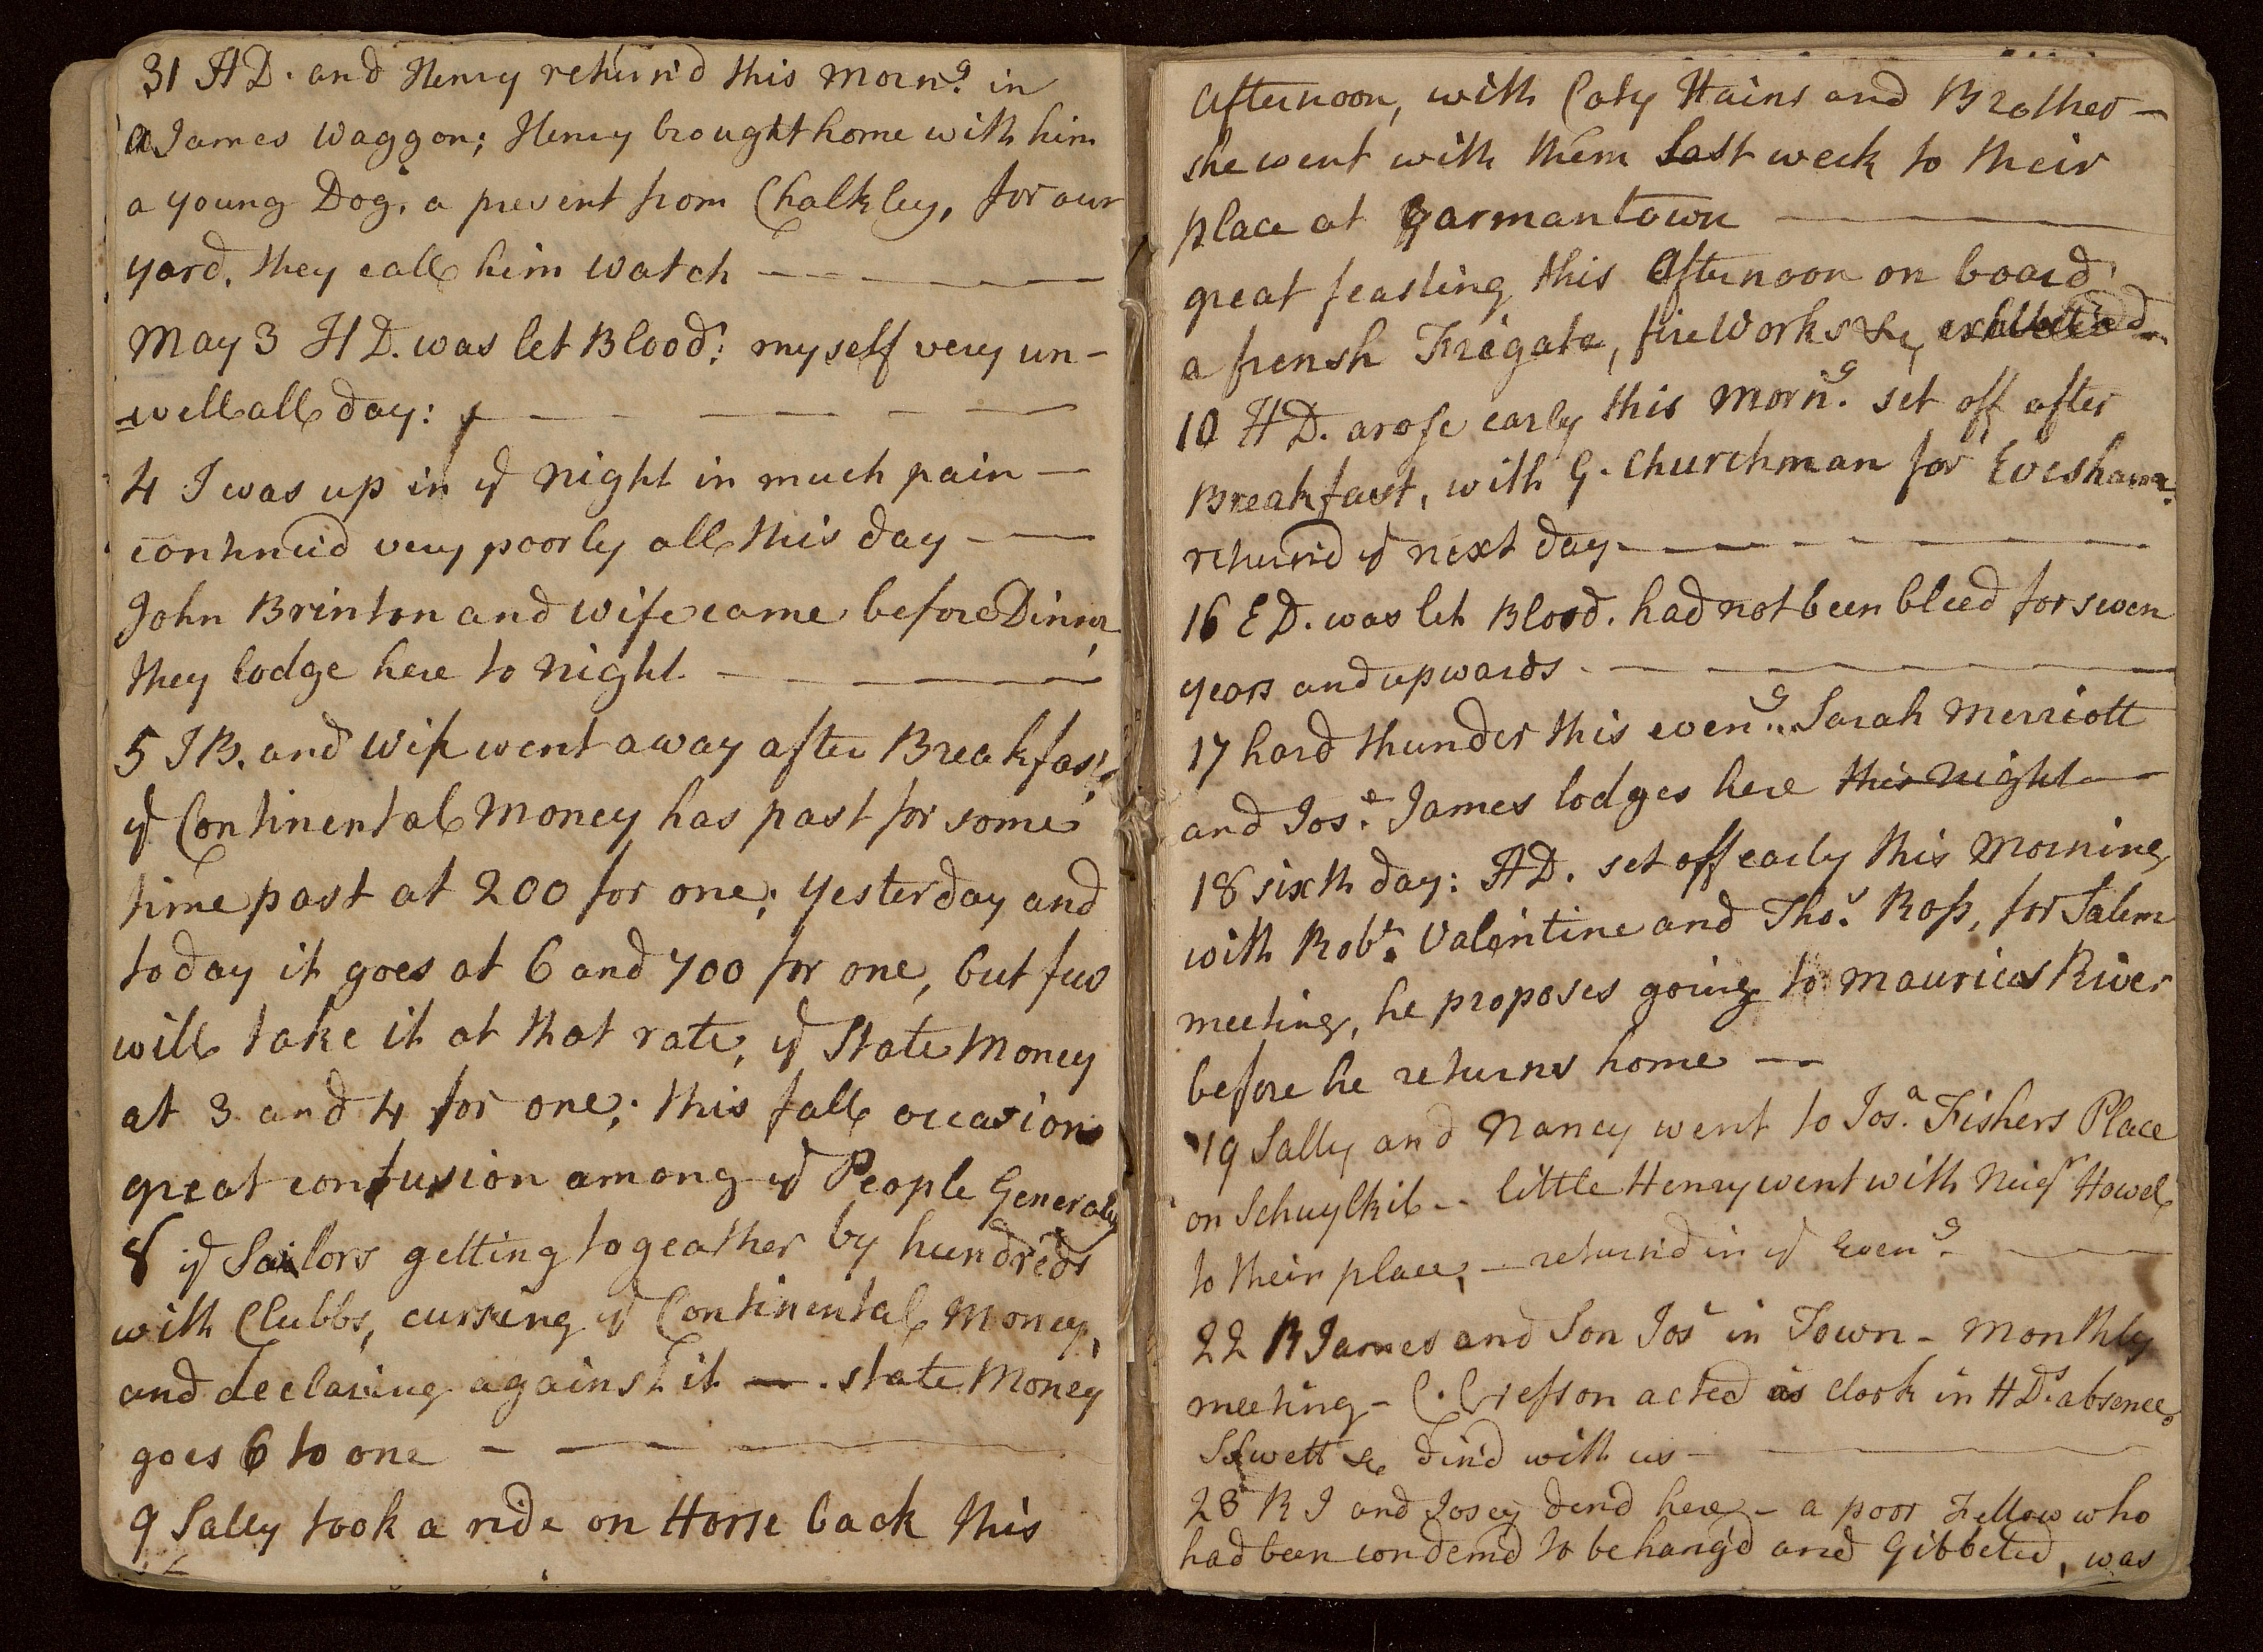31 HD and Henry return'd this morn^g in
A James Waggon; Henry brought home with him
a young Dog. a present from Chalkley, for our
yard, they call him Watch-
May 3 HD. was let Blood; myself very un-
-well all day:---
4 I was up in y^e night in much pain
continu'd very poorly all this day-
John Brinton and Wife came before Dinner,
they lodge here to night--
5 JB. and Wife went away after Breakfast
y^e Continental money has past for some
time past at 200 for one; Yesterday and
today it goes at 6 and 700 for one, but few
will take it at that rate, y^e State Money
at 3 and 4 for one, this fall occasions
great confusion among y^e People Generaly
8 y^e Sailors getting togeather by hundreds
with Clubbs, cursing y^e Continental Money,
and declaring against it- state Money
goes 6 to one--
9 Sally took a ride on Horse back this
Afternoon, with Caty Hains and Brother-
the went with them Last week to their
place at Garmantown
great feasting this afternoon on board
a frensh Frigate, fire works &c exhibited
10 HD. arose early this morn^g. set off after
Breakfast, with G. Churchman for Evesham
return'd y^e next day-
16 ED. was let blood, had not been bleed for seven
years and upwards.-
17 hard thunder this even^g Sarah Merriott
and Jos^a. James lodges here this Night-
18 sixth day: HD. set off early this morning
with Rob^t. Valentine and Tho^s. Ross, for Salem
meeting, he proposes going to Maurices River
before he returns home-
19 Sally and Nancy went to Jos^a. Fishers Place
on Schuylkil- little Henry went with Neig^r Howel
to their place,- return'd in y^e even^g
22 R James and Son Jos^a in Town- Monthly
meeting- C. Cresson acted [as] clork in HD^s. absence
S Swett ^c din'd with us
23 RJ and Josey dind here- a poor Fellow who
had been condem'd to be hang'd and Gibbeted, was